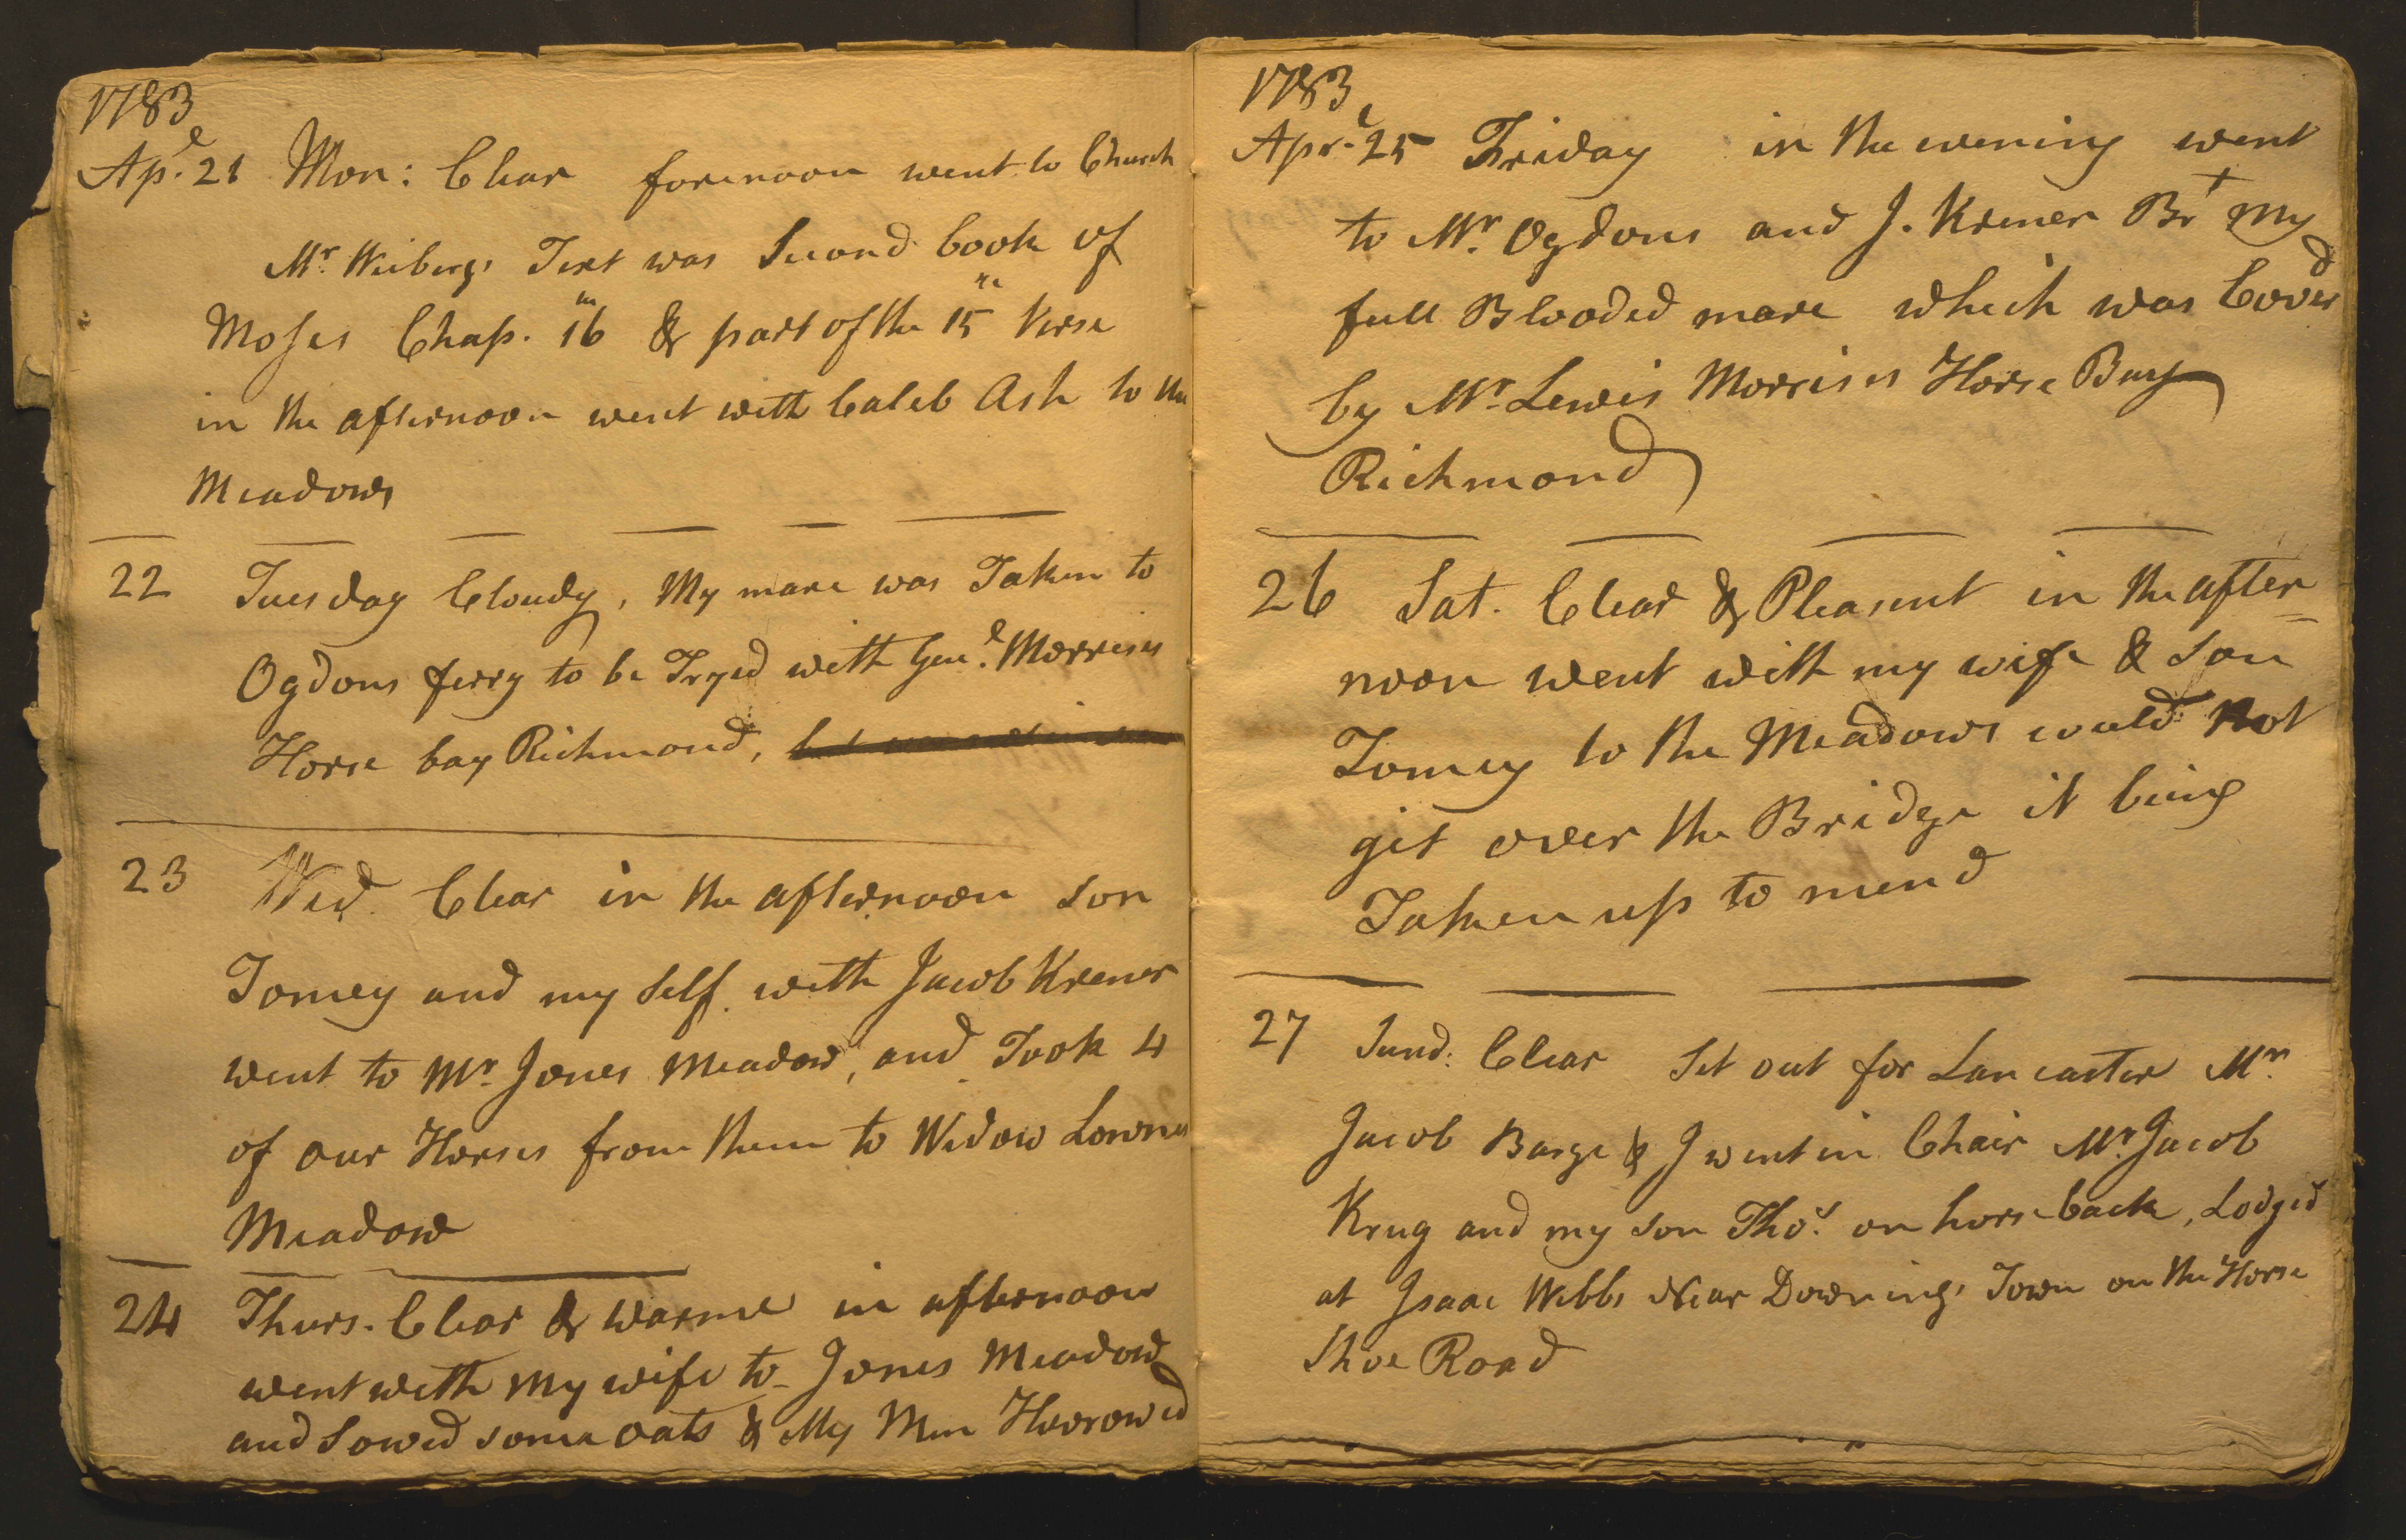1783
Ap^l. 21 Mon: Clear forenoon went to Church
M^r. Weibergs Text was second book of
Moses Chap. 16^th & part of the 15^th Verse
in the afternoon went with Caleb Ash to the
Meadows
22 Tuesday Cloudy, My mare was Taken to
Ogdons fersy to be Tryed with Gen^l. Morrises
Horse bay Richmond,
23 Wed. Clear in the afternoon son
Tomey and my self with Jacob Krener
went to M^r. Jones Meadow and Took 4
of our Horses from them to Widow Lownes
Meadow
24 Thurs. Clear & warme in afternoon
went with my wife to Jones Meadow
and sowed some oats & My Men Harrowed
1783
Apr^l. 25 Friday, in the evening went
to M^r. Ogdons and J. Krener Br^t my
full Blooded mare which was Cover^d
by M^r. Lewes Morrises Horse Bay
Richmond
26 Sat. Clear & Pleasent in the after
noon went with my wife & son
Tomey to the Meadows could not
git over the Bridge it being
Taken up to mend
27 Sund. Clear Set out for Lancaster M^r.
Jacob Barge & I went in Chair M^r. Jacob
Krug and my son Tho^s. on horseback, Lodged
at Isaac Webbs Near Downings Town on the Horse
Shoe Road